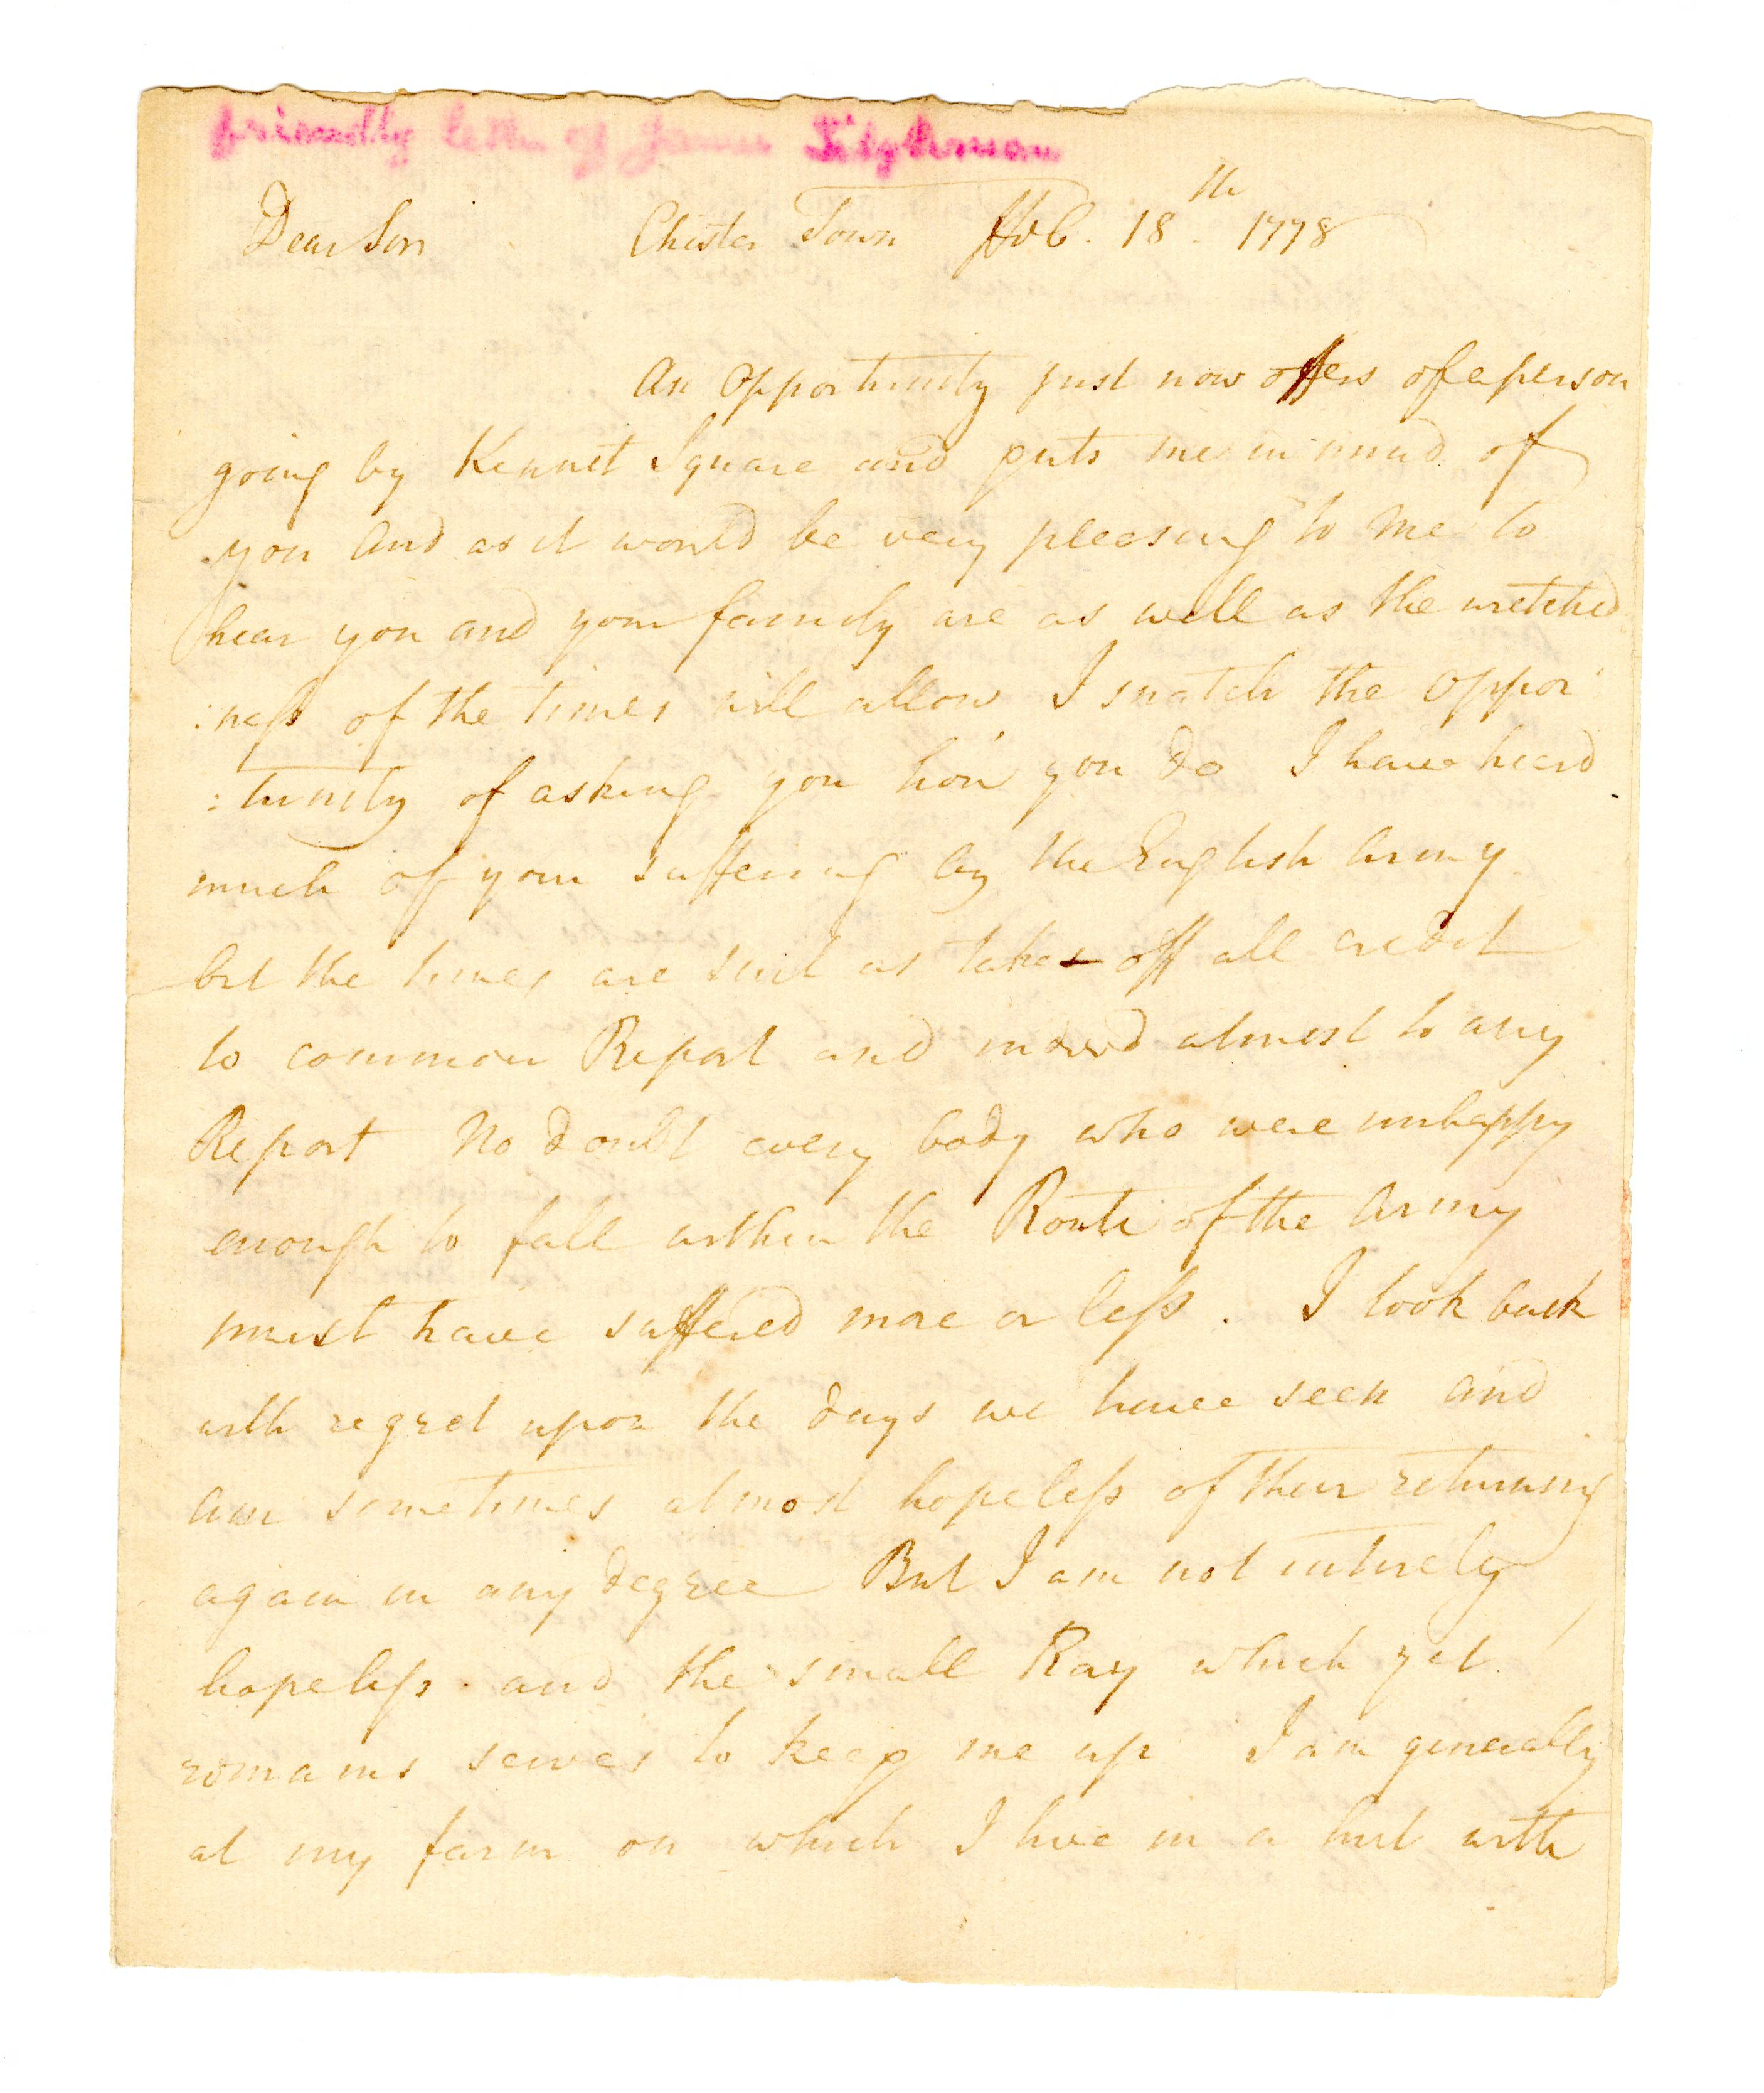Chester Town Feb. 18^th. 1778
Dear Sir
An opportunity just now offers of a person
going by Kennet Square and puts me in mind of
you And as it would be very pleasing to me to
hear you and your family are as well as the wretched
:ness of the times will allow, I match the oppor
:tunity of asking you how you do I have heard
much of your suffering by the English Army
but the times are such as take off all credit
to common Report and indeed almost to any
Report No doubt every body who were unhappy
enough to fall within the Route of the Army
must have suffered more or less. I look back
with regret upon the days we have seen and
Am sometimes almost hopeless of their returning
again in any degree But I am not entirely
hopeless and the small Ray which yet
remains serves to keep me up I am generally
at my farm on which I live in a hut with